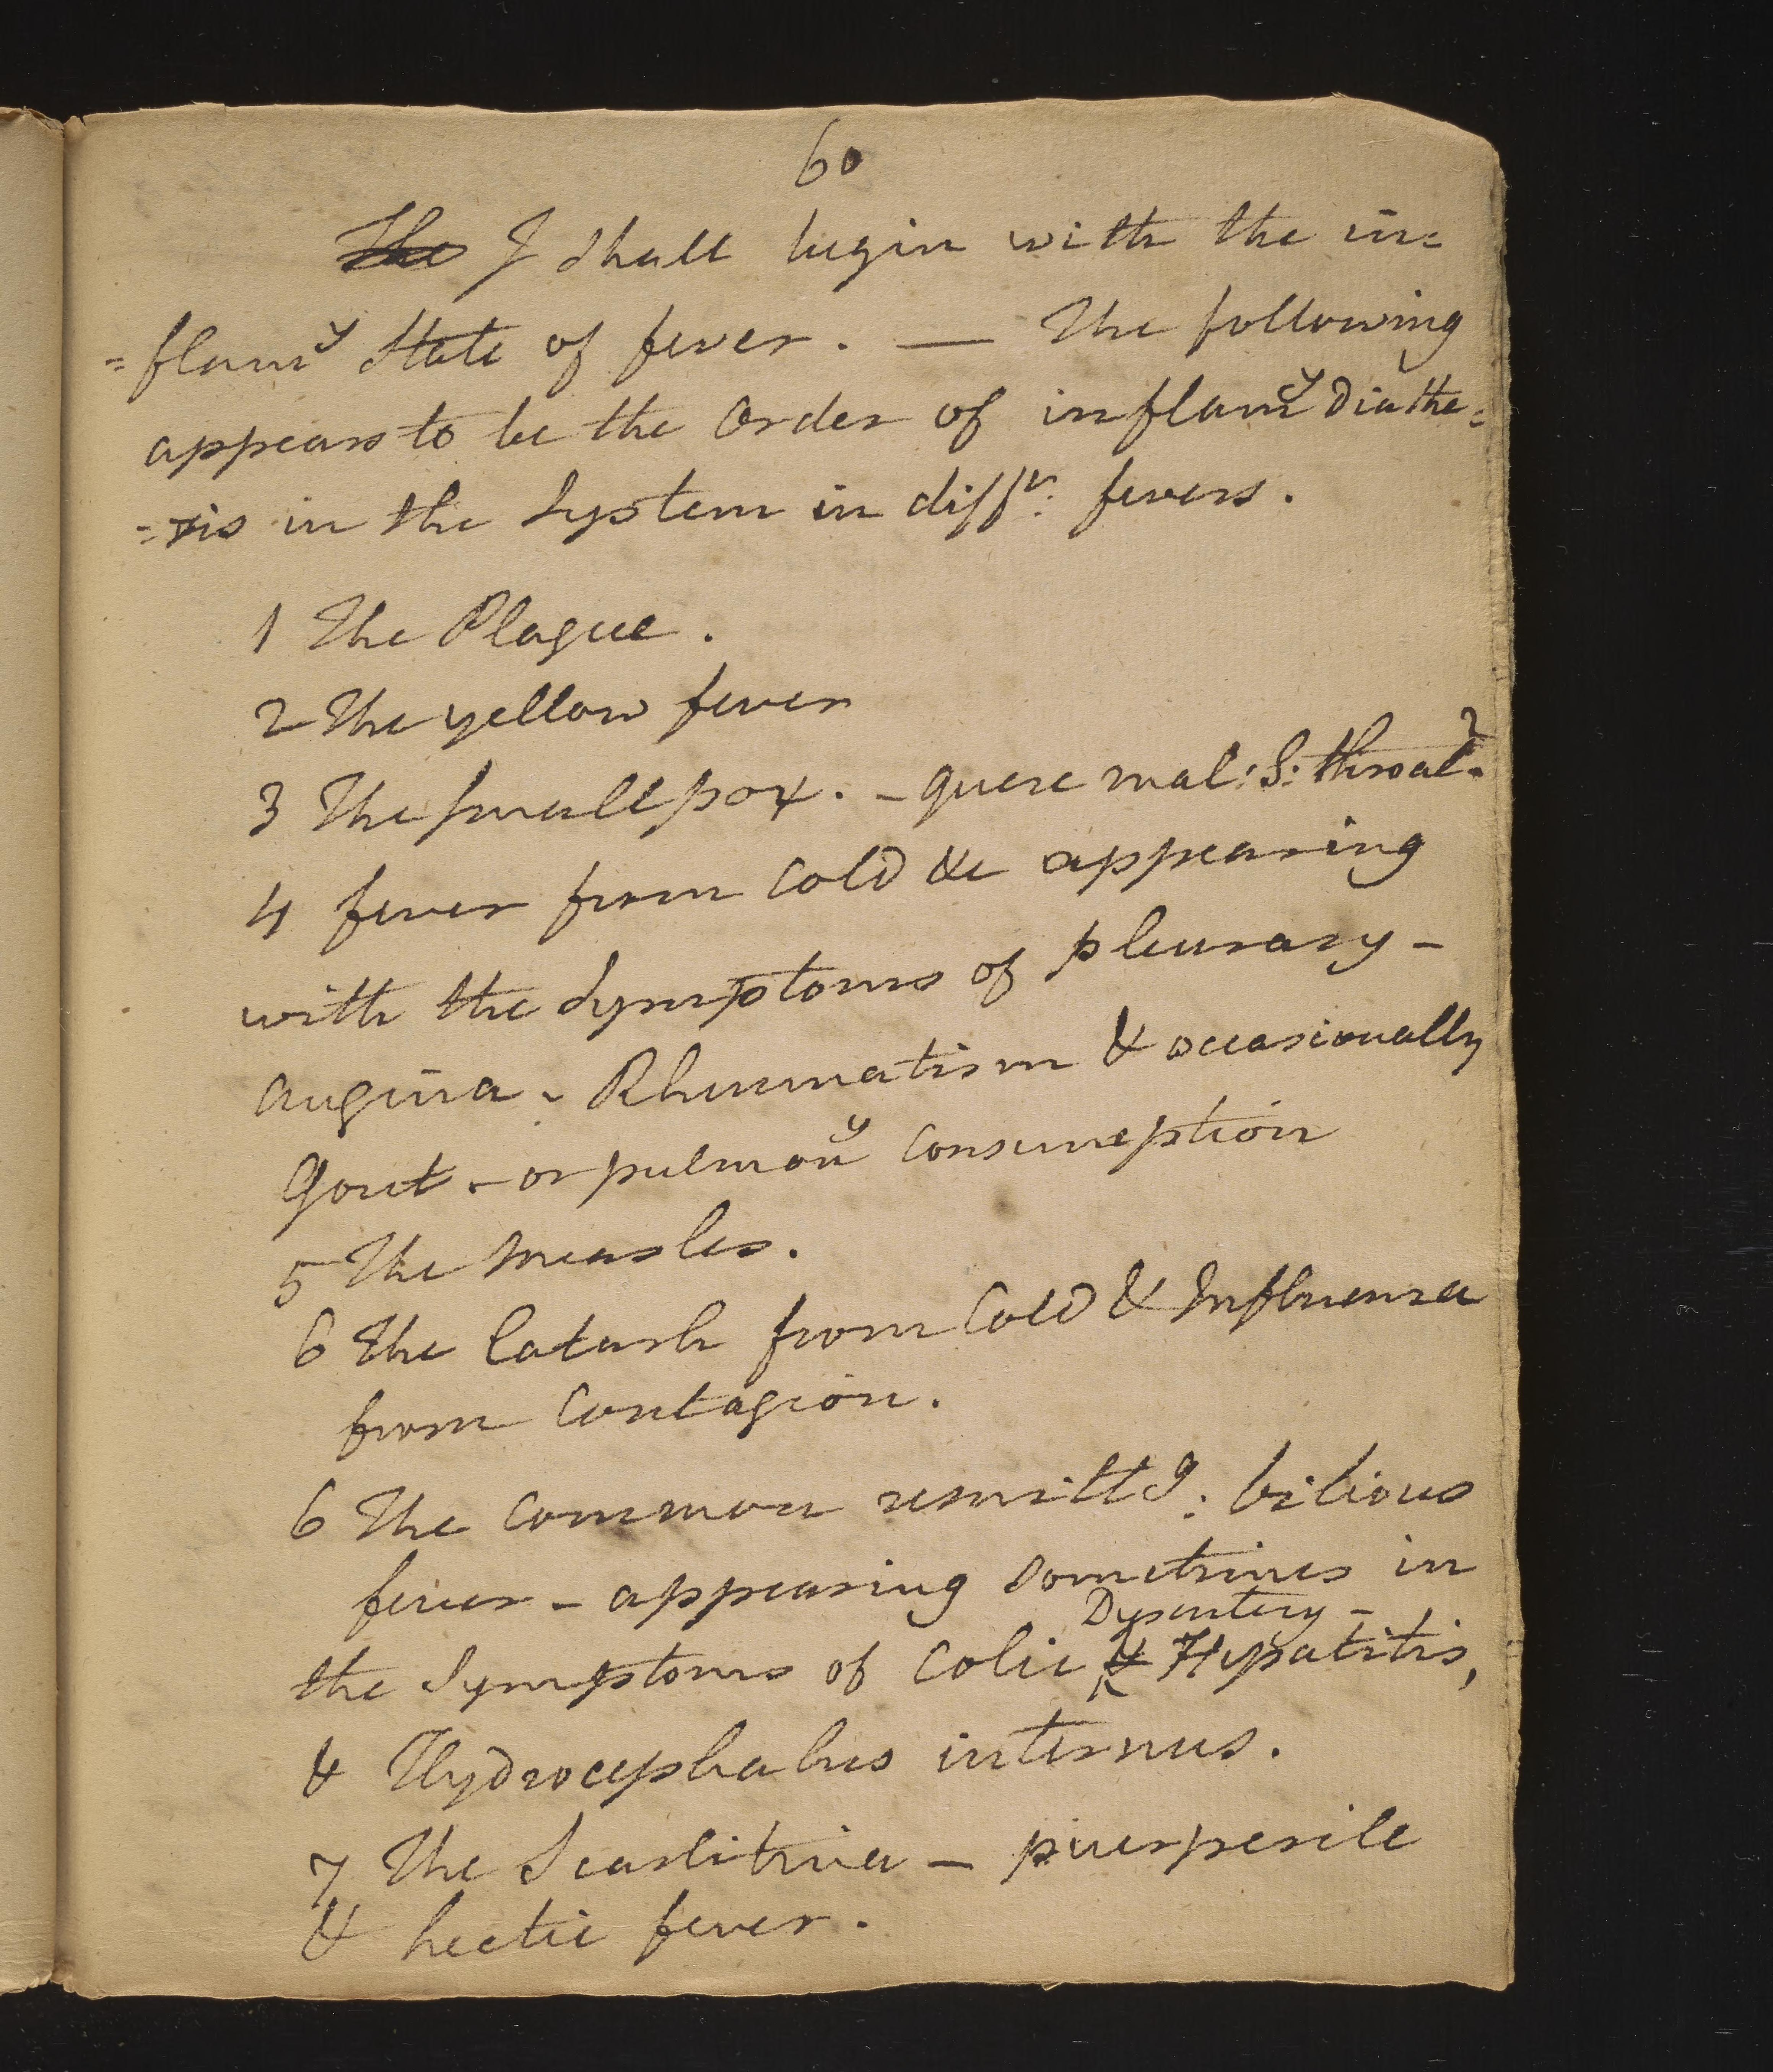60
[The] I shall begin with the in-
-flam^y state of fever.- The following
appears to be the order of inflam^y diathe-
-sis in the System in diff^r: fevers.
1 The Plague.
2 The yellow fever
3 The Smallpox.- quere mal. S. throat?
4 fever from cold & appearing
with the Symptoms of pleurasy,
angina, Rheumatism & occasionally
gout.- or pulmon^y consumption
5 The measles.
6 The Catarh from Cold & Influenza
from contagion.
6 The common remitt^g bilious
fever, appearing sometimes in
Dysentery,
the Symptoms of Colic ^ & Hypatitis
& Hydrocephalus interrus.
7 The Scarlitina, puerperile
& hectic fever.